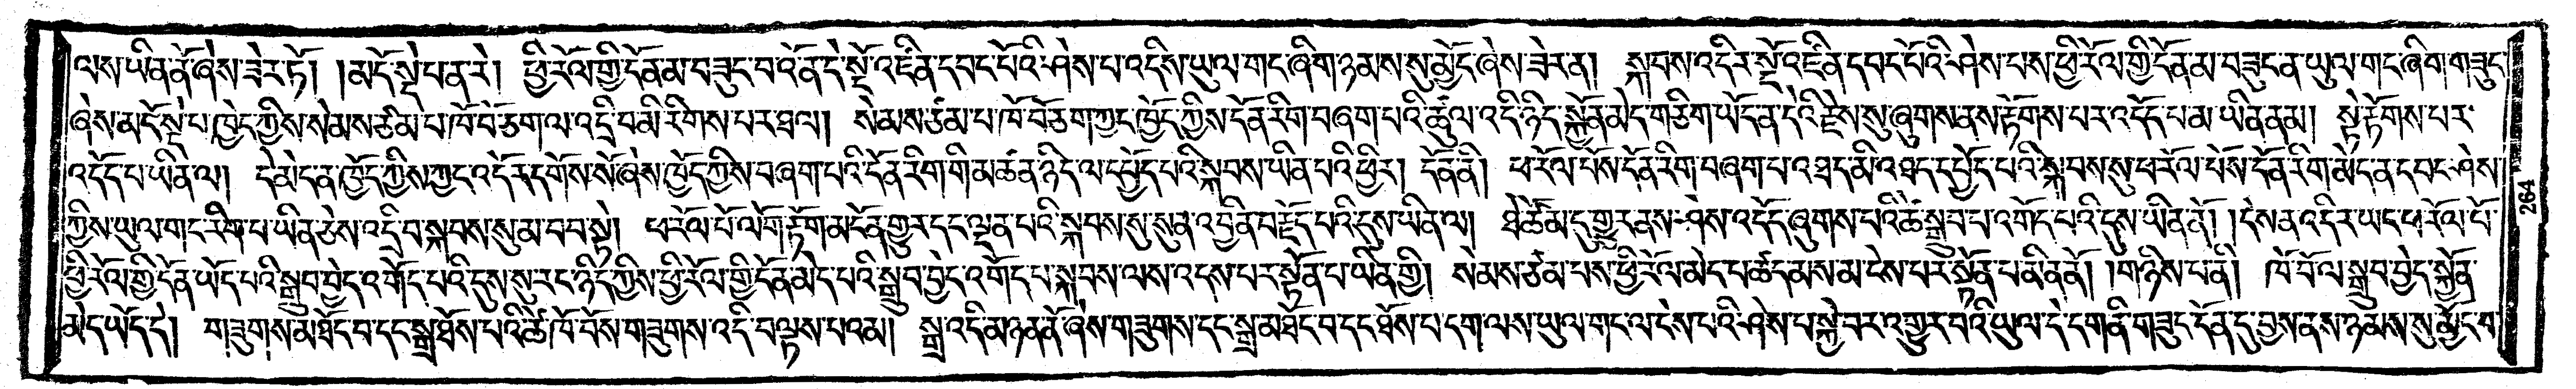ལས་ཡིན་ནོ་ཞེས་ཟེར་ཏོ། །མདོ་སྡེ་པ་ན་རེ། ཕྱི་རོལ་གྱི་དོན་མ་བཟུང་བའོ་ན་དེ་སྔོ་འཛིན་དབང་པོའི་ཤེས་པ་འདིས་ཡུལ་གང་ཞིག་ཉམས་སུ་མྱོང་ཞེས་ཟེར་ན། སྐབས་འདིར་སྔོན་འཛིན་དབང་པོའི་ཤེས་པས་ཕྱི་རོལ་གྱི་དོན་མ་བཟུང་ན་ཡུལ་གང་ཞིག་གཟུང་
ཞེས་མདོ་སྡེ་པ་ཁྱེད་ཀྱིས་སེམས་ཙམ་པ་ཁོ་བོ་ཅག་ལ་འདྲི་བ་མི་རིགས་པར་ཐལ། སེམས་ཙམ་པ་ཁོ་བོ་ཅག་ཀྱང་ཁྱོད་ཀྱིས་དོན་རིག་བཞག་པའི་ཚུལ་འདི་ཉིད་སྐྱོན་མེད་གཅིག་ཡོད་ན་དེའི་རྗེས་སུ་ཞུགས་ནས་རྟོགས་པར་འདོད་པ་མ་ཡིན་ནམ། སྟེ་རྟོགས་པར་
འདོད་པ་ཡིན་ལ། དེ་མེད་ན་ཁྱོད་ཀྱིས་ཀྱང་འདོར་དགོས་སོ་ཞེས་ཁྱོད་ཀྱིས་བཞག་པའི་དོན་རིག་གི་མཚན་ཉིད་ལ་དཔྱོད་པའི་སྐབས་ཡིན་པའི་ཕྱིར། དོན་ནི། ཕ་རོལ་པོས་དོན་རིག་བཞག་པ་འཐད་མི་འཐད་དཔྱོད་པའི་སྐབས་སུ་ཕ་རོལ་པོས་དོན་རིག་མེད་ན་དབང་ཤེས་
ཀྱིས་ཡུལ་གང་རིག་པ་ཡིན་ཅེས་འདྲི་བ་སྐབས་སུ་མ་བབ་སྟེ། ཕ་རོལ་པོ་ལོག་རྟོག་མངོན་གྱུར་དང་ལྡན་པའི་སྐབས་སུ་སུན་འབྱིན་བརྗོད་པའི་དུས་ཡིན་ལ། ཐེ་ཚོམ་དུ་གྱུར་ནས་ཤེས་འདོད་ཞུགས་པའི་ཚེ་སྒྲུབ་པ་འགོད་པའི་དུས་ཡིན་ནོ། །དེས་ན་འདིར་ཡང་ཕ་རོལ་པོ་
ཕྱི་རོལ་གྱི་དོན་ཡོད་པའི་སྒྲུབ་བྱེད་འགོད་པའི་དུས་སུ་རང་ཉིད་ཀྱིས་ཕྱི་རོལ་གྱི་དོན་མེད་པའི་སྒྲུབ་བྱེད་འགོད་པ་སྐབས་ལས་འདས་པར་སྟོན་པ་ཡིན་གྱི། སེམས་ཙམ་པས་ཕྱི་རོལ་མེད་པ་ཚད་མས་མ་ངེས་པར་སྟོན་པ་མིན་ནོ། །གཉིས་པ་ནི། ཁོ་བོ་ལ་སྒྲུབ་བྱེད་སྐྱོན་
མེད་ཡོད་དེ། གཟུགས་མཐོང་བ་དང་སྒྲ་ཐོས་པའི་ཚེ་ཁོ་བོས་ངྯུགས་འདི་བལྟས་པའམ། སྒྲ་འདི་མཉན་ནོ་ཞེས་གཟུགས་དང་སྒྲ་མཐོང་བ་དང་ཐོས་པ་དག་ལས་ཡུལ་གང་ལ་ངེས་པའི་ཤེས་པ་སྐྱེ་བར་འགྱུར་བའི་ཡུལ་དེ་དག་ནི་གཟུང་དོན་དུ་བྱས་ནས་ཉམས་སུ་མྱོང་བ་